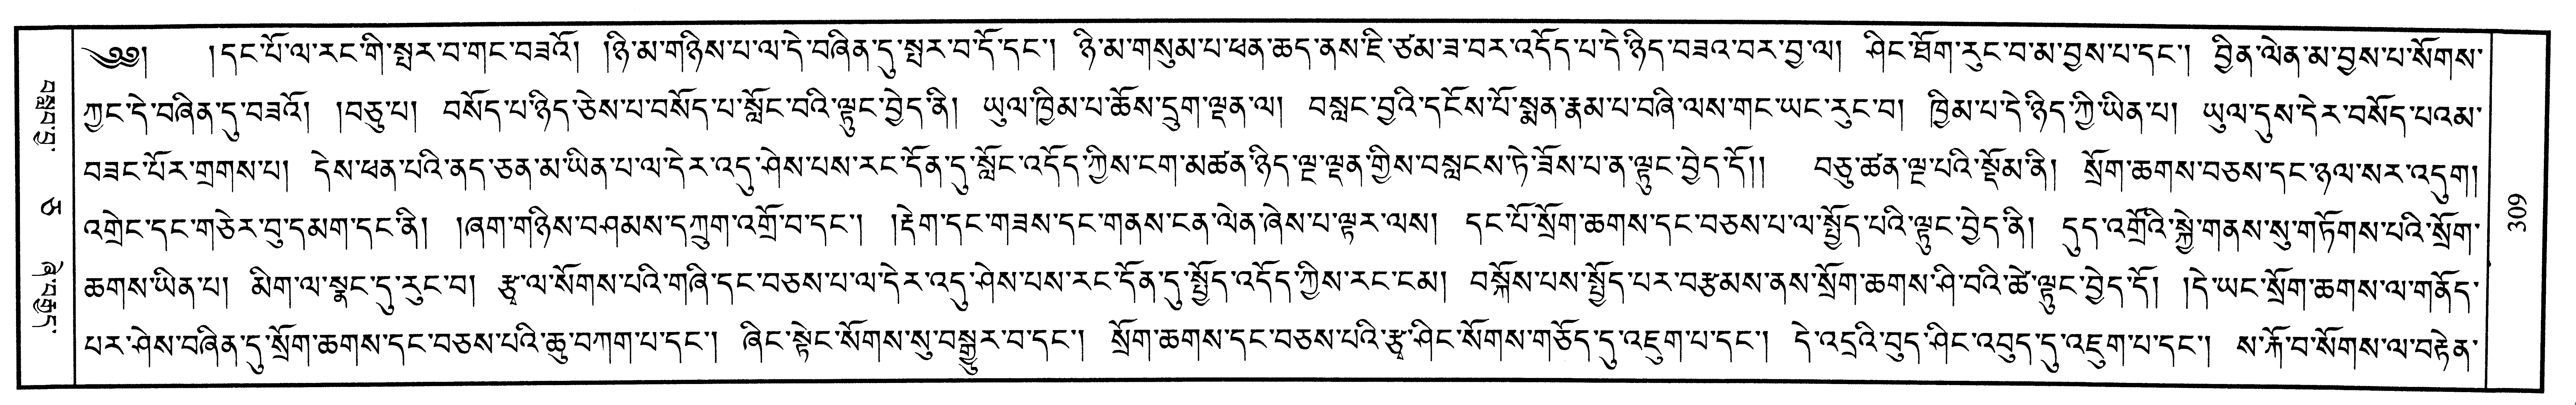༄༅། །དང་པོ་ལ་རང་གི་སྤར་བ་གང་བཟའོ། །ཉི་མ་གཉིས་པ་ལ་དེ་བཞིན་དུ་སྤར་བ་དོ་དང་། ཉི་མ་གསུམ་པ་ཕན་ཆད་ནས་ཇི་ཙམ་ཟ་བར་འདོད་པ་དེ་ཉིད་བཟའ་བར་བྱ་ལ། ཤིང་ཐོག་རུང་བ་མ་བྱས་པ་དང་། བྱིན་ལེན་མ་བྱས་པ་སོགས་
ཀྱང་དེ་བཞིན་དུ་བཟའོ། །བཅུ་པ། བསོད་པ་ཉིད་ཅེས་པ་བསོད་པ་སློང་བའི་ལྟུང་བྱེད་ནི། ཡུལ་ཁྱིམ་པ་ཆོས་དྲུག་ལྡན་ལ། བསླང་བྱའི་དངོས་པོ་སྨན་རྣམ་པ་བཞི་ལས་གང་ཡང་རུང་བ། ཁྱིམ་པ་དེ་ཉིད་ཀྱི་ཡིན་པ། ཡུལ་དུས་དེར་བསོད་པའམ་
བཟང་པོར་གྲགས་པ། དེས་ཕན་པའི་ནད་ཅན་མ་ཡིན་པ་ལ་དེར་འདུ་ཤེས་པས་རང་དོན་དུ་སློང་འདོད་ཀྱིས་ངག་མཚན་ཉིད་ལྔ་ལྡན་གྱིས་བསླངས་ཏེ་ཟོས་པ་ན་ལྟུང་བྱེད་དོ།། བཅུ་ཚན་ལྔ་པའི་སྡོམ་ནི། སྲོག་ཆགས་བཅས་དང་ཉལ་སར་འདུག།
འགྲེང་དང་གཅེར་བུ་དམག་དང་ནི། །ཞག་གཉིས་བཤམས་དཀྲུག་འགྲོ་བ་དང་། །རྡེག་དང་གཟས་དང་གནས་ངན་ལེན་ཞེས་པ་ལྟར་ལས། དང་པོ་སྲོག་ཆགས་དང་བཅས་པ་ལ་སྤྱོད་པའི་ལྟུང་བྱེད་ནི། དུད་འགྲོའི་སྐྱེ་གནས་སུ་གཏོགས་པའི་སྲོག་
ཆགས་ཡིན་པ། མིག་ལ་སྣང་དུ་རུང་བ། རྩྭ་ལ་སོགས་པའི་གཞི་དང་བཅས་པ་ལ་དེར་འདུ་ཤེས་པས་རང་དོན་དུ་སྤྱོད་འདོད་ཀྱིས་རང་ངམ། བསྐོས་པས་སྤྱོད་པར་བརྩམས་ནས་སྲོག་ཆགས་ཤི་བའི་ཚེ་ལྟུང་བྱེད་དོ། །དེ་ཡང་སྲོག་ཆགས་ལ་གནོད་
པར་ཤེས་བཞིན་དུ་སྲོག་ཆགས་དང་བཅས་པའི་ཆུ་བཀག་པ་དང་། ཞིང་སྟེང་སོགས་སུ་བསྒྱུར་བ་དང་། སྲོག་ཆགས་དང་བཅས་པའི་རྩྭ་ཤིང་སོགས་གཅོད་དུ་འཇུག་པ་དང་། དེ་འདྲའི་བུད་ཤིང་འབུད་དུ་འཇུག་པ་དང་། ས་རྐོ་བ་སོགས་ལ་བརྟེན་